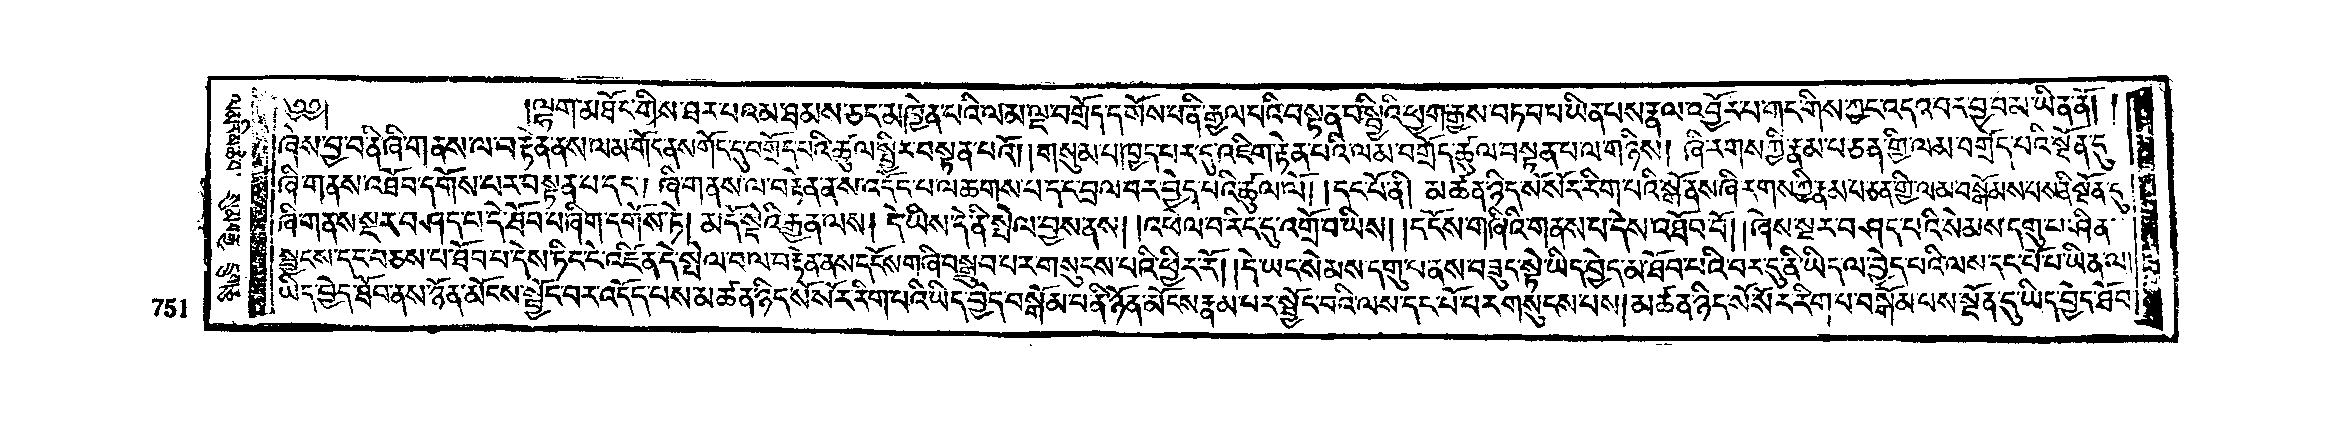༄༅། །ལྷག་མཐོང་གིས་ཐར་པའམ་ཐམས་ཅད་མཁྱེན་པའི་ལམ་ལྔ་བགྲོད་དགོས་པ་ནི་རྒྱལ་བའི་བསྟན་པ་སྤྱིའི་ཕྱག་རྒྱས་བཏབ་པ་ཡིན་པས་རྣལ་འབྱོར་པ་གང་གིས་ཀྱང་འདའ་བར་བྱ་བ་མ་ཡིན་ནོ། །
ཞེས་བྱ་བ་ནི་ཞི་གནས་ལ་བརྟེན་ནས་ལམ་གོང་ནས་གོང་དུ་བགྲོད་པའི་ཚུལ་སྤྱིར་བསྟན་པའོ། །གསུམ་པ་ཁྱད་པར་དུ་འཇིག་རྟེན་པའི་ལམ་བགྲོད་ཚུལ་བསྟན་པ་ལ་གཉིས། ཞི་རགས་ཀྱི་རྣམ་པ་ཅན་གྱི་ལམ་བགྲོད་པའི་སྔོན་དུ་
ཞི་གནས་འཐོབ་དགོས་པར་བསྟན་པ་དང་། ཞི་གནས་ལ་བརྟེན་ནས་འདོད་པ་ལ་ཆགས་པ་དང་བྲལ་བར་བྱེད་པའི་ཚུལ་ལོ། །དང་པོ་ནི། མཚན་ཉིད་སོ་སོར་རིག་པའི་སྒོ་ནས་ཞི་རགས་ཀྱི་རྣམ་པ་ཅན་གྱི་ལམ་བསྒོམས་པས་ནི་སྔོན་དུ་
ཞི་གནས་སྔར་བཤད་པ་དེ་ཐོབ་པ་ཞིག་དགོས་ཏེ། མདོ་སྡེའི་རྒྱན་ལས། དེ་ཡིས་དེ་ནི་སྤེལ་བྱས་ནས། །འཕེལ་བ་རིང་དུ་འགྲོ་བ་ཡིས། །དངོས་གཞིའི་གནས་པ་དེས་འཐོབ་བོ། །ཞེས་སྔར་བཤད་པའི་སེམས་དགུ་པ་ཤིན་
སྦྱངས་དང་བཅས་པ་ཐོབ་པ་དེས་ཏིང་ངེ་འཛིན་དེ་སྤེལ་བ་ལ་བརྟེན་ནས་དངོས་གཞི་བསྒྲུབ་པར་གསུངས་པའི་ཕྱིར་རོ། །དེ་ཡང་སེམས་དགུ་པ་ནས་བཟུང་སྟེ་ཡིད་བྱེད་མ་ཐོབ་པའི་བར་དུ་ནི་ཡིད་ལ་བྱེད་པའི་ལས་དང་པོ་པ་ཡིན་ལ།
ཡིད་བྱེད་ཐོབ་ནས་ཉོན་མོངས་སྦྱོང་བར་འདོད་པས་མཚན་ཉིད་སོ་སོར་རིག་པའི་ཡིད་བྱེད་བསྒོམ་པ་ནི་ཉོན་མོངས་རྣམ་པར་སྦྱོང་བའི་ལས་དང་པོ་པར་གསུངས་པས། མཚན་ཉིད་སོ་སོར་རིག་པ་བསྒོམ་པས་སྔོན་དུ་ཡིད་བྱེད་ཐོབ་